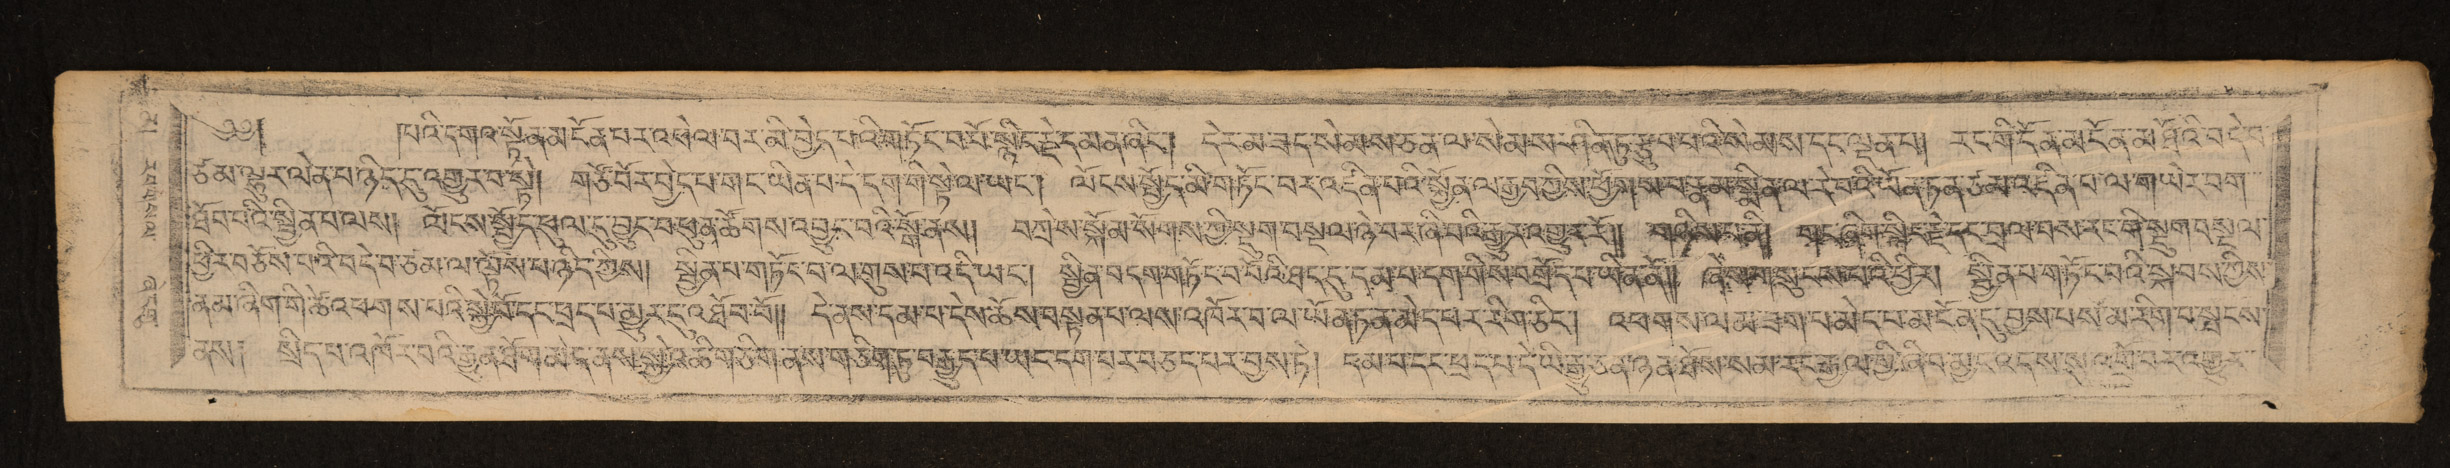༄༅། །པའི་དགའ་སྟོན་མངོན་པར་འཕེལ་བར་མི་བྱེད་པའི་གཏོང་བ་པོ་སྙིང་རྗེ་དམན་ཞིང་། དེར་མ་ཟད་སེམས་ཅན་ལ་སེམས་ཤིན་ཏུ་རྩུབ་པའི་སེམས་དང་ལྡན་པ། རང་གི་དོན་མངོན་མཐོའི་བདེ་བ་
ཙམ་ལྷུར་ལེན་པ་ཉིད་དུ་འགྱུར་བ་སྟེ། གཙོ་བོར་བྱེད་པ་གང་ཡིན་པ་དེ་དག་གི་སྟེ་ལ་ཡང་། ལོངས་སྤྱོད་མི་གཏོང་བར་འཛིན་པའི་སྐྱོན་ལ་རྒྱབ་ཀྱིས་ཕྱོགས་པ་རྣམ་སྨིན་ལ་རེ་བའི་ཡོན་ཏན་ཙམ་འཛིན་པ་ལ་གཡེར་བག་
ཐོབ་པའི་སྦྱིན་པ་ལས། ལོངས་སྤྱོད་ཕུལ་དུ་བྱུང་བ་ཕུན་ཚོགས་འབྱུང་བའི་སྒོ་ནས། བཀྲེས་སྐོམ་སོགས་ཀྱི་སྡུག་བསྔལ་ཉེ་བར་ཞི་བའི་རྒྱུར་འགྱུར་རོ།། གཉིས་པ་ནི། གང་ཞིག་སྙིང་རྗེ་དང་བྲལ་བས་རང་གི་སྡུག་བསྔལ་
ཕྱིར་བཅོས་པའི་བདེ་བ་ཙམ་ལ་ལྟོས་པ་ཉིད་ཀྱིས། སྦྱིན་པ་གཏོང་པ་ལ་གུས་པ་འདི་ཡང་། སྦྱིན་བདག་གཏོང་བ་པོའི་ཐད་དུ་དམ་པ་དག་གིས་བགྲོད་པ་ཡིན་ནོ།། ཞེས་གསུངས་པའི་ཕྱིར། སྦྱིན་པ་གཏོང་བའི་སྐབས་ཀྱིས་
ནམ་ཞིག་གི་ཚེ་འཕགས་པའི་སྐྱེ་བོ་དང་ཕྲད་པ་མྱུར་དུ་འཐོབ་བོ།། དེ་ནས་དམ་པ་དེས་ཆོས་བསྟན་པ་ལས་འཁོར་བ་ལ་ཡོན་ཏན་མེད་པར་རིག་ཅིང་། འཕགས་ལམ་ཟག་པ་མེད་པ་མངོན་དུ་བྱས་པས་མ་རིག་པ་སྤངས་
ནས༑ སྲིད་པ་འཁོར་བའི་རྒྱུན་ཐོག་མེད་ནས་སྐྱེ་འཆི་གཅིག་ནས་གཅིག་ཏུ་བརྒྱུད་པ་ཡང་དག་པར་བཅད་པར་བྱས་ཏེ། དམ་པ་དང་ཕྲད་པ་དེ་ཡི་རྒྱུ་ཅན་ཉན་ཐོས་སམ་རང་རྒྱལ་གྱི་ཞི་བ་མྱང་འདས་སུ་འགྲོ་བར་འགྱུར་